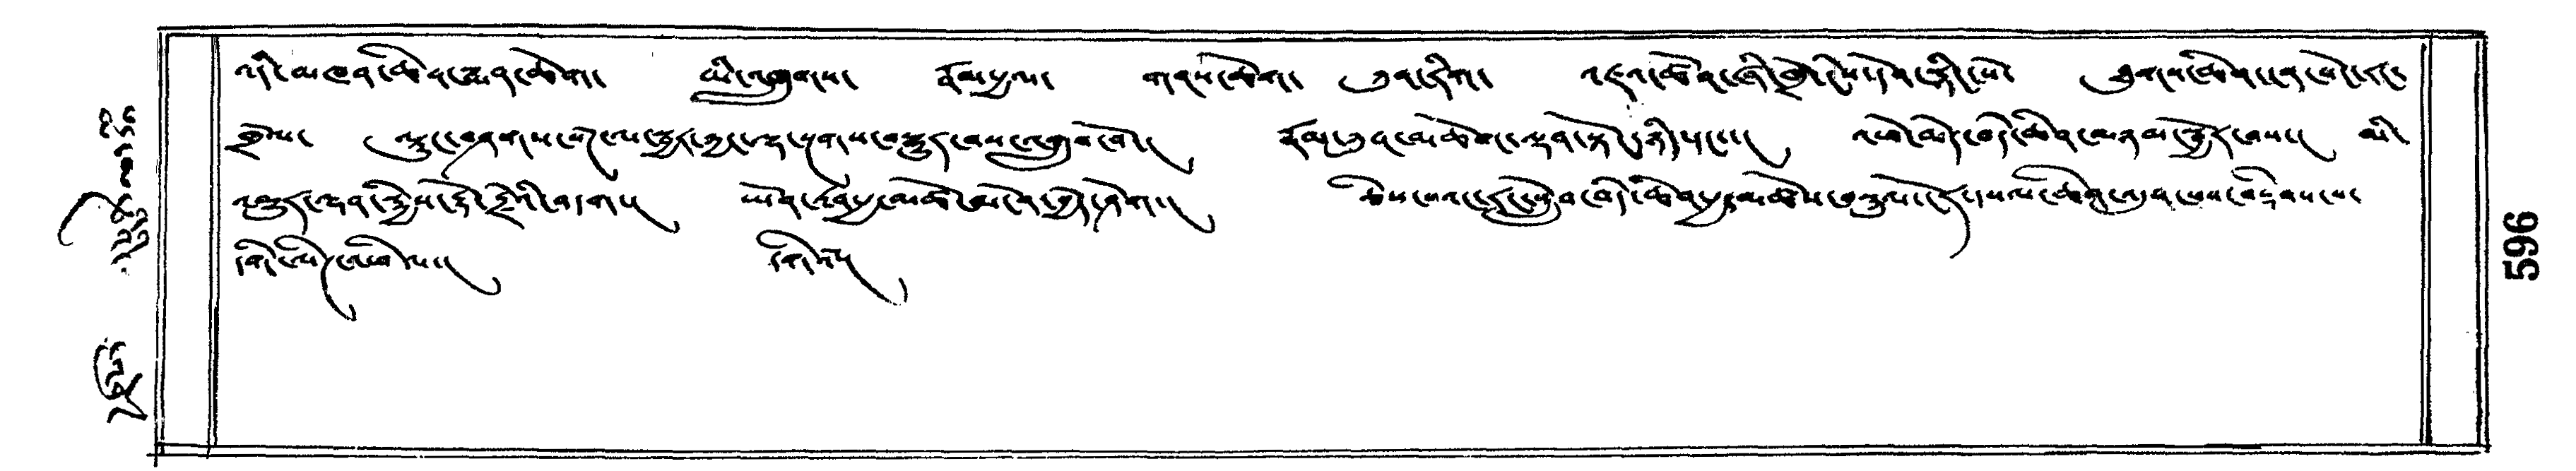འདི་མཁན་ཆེན་སྨན་ཆོག མི་འཁྲུགས། རྣམ་རྒྱལ། གནས་ཆོག ཀུན་རིག འཇའ་ཚོན་ཞི་ཁྲོ་ངེས་དོན་རྙིང་པོ། ཐུགས་ཆེན་ངན་སོང་རང་
གྲོལ། ལྟུང་བཤགས་སོགས་ལ་སྦྱར་ཀྱང་ལྷ་སྔགས་བསྒྱུར་བས་འགྲུབ་བོ།རྣམ་ཀུན་མཆོག་ལྡན་སྟོང་ཉིད་དང་། །འཕོ་མེད་བདེ་ཆེན་མཉམ་སྦྱོར་བས། །མི་
འགྱུར་ལྷན་སྐྱེས་རྡོ་རྗེའི་བདག །ཡོན་ཏན་རྒྱ་མཚོ་མངོན་བྱེད་ཤོག ཅེས་པའང་རང་སློབ་བདེ་ཆེན་རྒྱ་མཚོས་བསྐུལ་ངོར་དཔལ་ཆེན་འདུས་པས་བསྡེབས་པ་
དགེ་ལེགས་འཕེལ།། དགེའོ།།